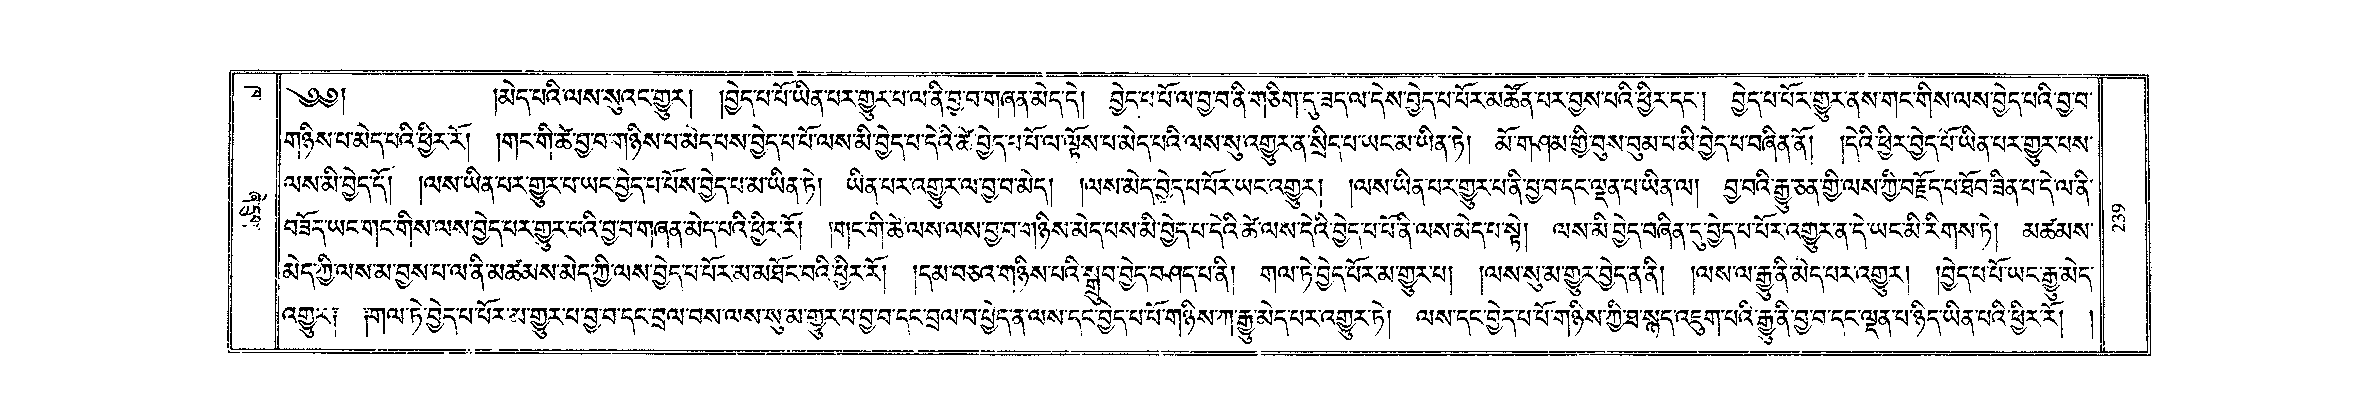༄༅། །མེད་པའི་ལས་སུའང་གྱུར། །བྱེད་པ་པོ་ཡིན་པར་གྱུར་པ་ལ་ནི་བྱ་བ་གཞན་མེད་དེ། བྱེད་པ་པོ་ལ་བྱ་བ་ནི་གཅིག་དུ་ཟད་ལ་དེས་བྱེད་པ་པོར་མཚོན་པར་བྱས་པའི་ཕྱིར་དང་། བྱེད་པ་པོར་གྱུར་ནས་གང་གིས་ལས་བྱེད་པའི་བྱ་བ་
གཉིས་པ་མེད་པའི་ཕྱིར་རོ། །གང་གི་ཚེ་བྱ་བ་གཉིས་པ་མེད་པས་བྱེད་པ་པོ་ལས་མི་བྱེད་པ་དེའི་ཚེ་བྱེད་པ་པོ་ལ་ལྟོས་པ་མེད་པའི་ལས་སུ་འགྱུར་ན་སྲིད་པ་ཡང་མ་ཡིན་ཏེ། མོ་གཤམ་གྱི་བུས་བུམ་པ་མི་བྱེད་པ་བཞིན་ནོ། །དེའི་ཕྱིར་བྱེད་པོ་ཡིན་པར་གྱུར་པས་
ལས་མི་བྱེད་དོ། །ལས་ཡིན་པར་གྱུར་པ་ཡང་བྱེད་པ་པོས་བྱེད་པ་མ་ཡིན་ཏེ། ཡིན་པར་འགྱུར་ལ་བྱ་བ་མེད། །ལས་མེད་བྱེད་པ་པོར་ཡང་འགྱུར། །ལས་ཡིན་པར་གྱུར་པ་ནི་བྱ་བ་དང་ལྡན་པ་ཡིན་ལ། བྱ་བའི་རྒྱུ་ཅན་གྱི་ལས་ཀྱི་བརྗོད་པ་ཐོབ་ཟིན་པ་དེ་ལ་ནི་
བཟོད་ཡང་གང་གིས་ལས་བྱེད་པར་གྱུར་པའི་བྱ་བ་གཞན་མེད་པའི་ཕྱིར་རོ། །གང་གི་ཚེ་ལས་ལས་བྱ་བ་གཉིས་མེད་པས་མི་བྱེད་པ་དེའི་ཚེ་ལས་དེའི་བྱེད་པ་པོ་ནི་ལས་མེད་པ་སྟེ། ལས་མི་བྱེད་བཞིན་དུ་བྱེད་པ་པོར་འགྱུར་ན་དེ་ཡང་མི་རིགས་ཏེ། མཚམས་
མེད་ཀྱི་ལས་མ་བྱས་པ་ལ་ནི་མཚམས་མེད་ཀྱི་ལས་བྱེད་པ་པོར་མ་མཐོང་བའི་ཕྱིར་རོ། །དམ་བཅའ་གཉིས་པའི་སྒྲུབ་བྱེད་བཤད་པ་ནི། གལ་ཏེ་བྱེད་པོར་མ་གྱུར་པ། །ལས་སུ་མ་གྱུར་བྱེད་ན་ནི། །ལས་ལ་རྒྱུ་ནི་མེད་པར་འགྱུར། །བྱེད་པ་པོ་ཡང་རྒྱུ་མེད་
འགྱུར༑ ༑གལ་ཏེ་བྱེད་པ་པོར་མ་གྱུར་པ་བྱ་བ་དང་བྲལ་བས་ལས་སུ་མ་གྱུར་པ་བྱ་བ་དང་བྲལ་བ་བྱེད་ན་ལས་དང་བྱེད་པ་པོ་གཉིས་ཀ་རྒྱུ་མེད་པར་འགྱུར་ཏེ། ལས་དང་བྱེད་པ་པོ་གཉིས་ཀྱི་ཐ་སྙད་འཇུག་པའི་རྒྱུ་ནི་བྱ་བ་དང་ལྡན་པ་ཉིད་ཡིན་པའི་ཕྱིར་རོ། །